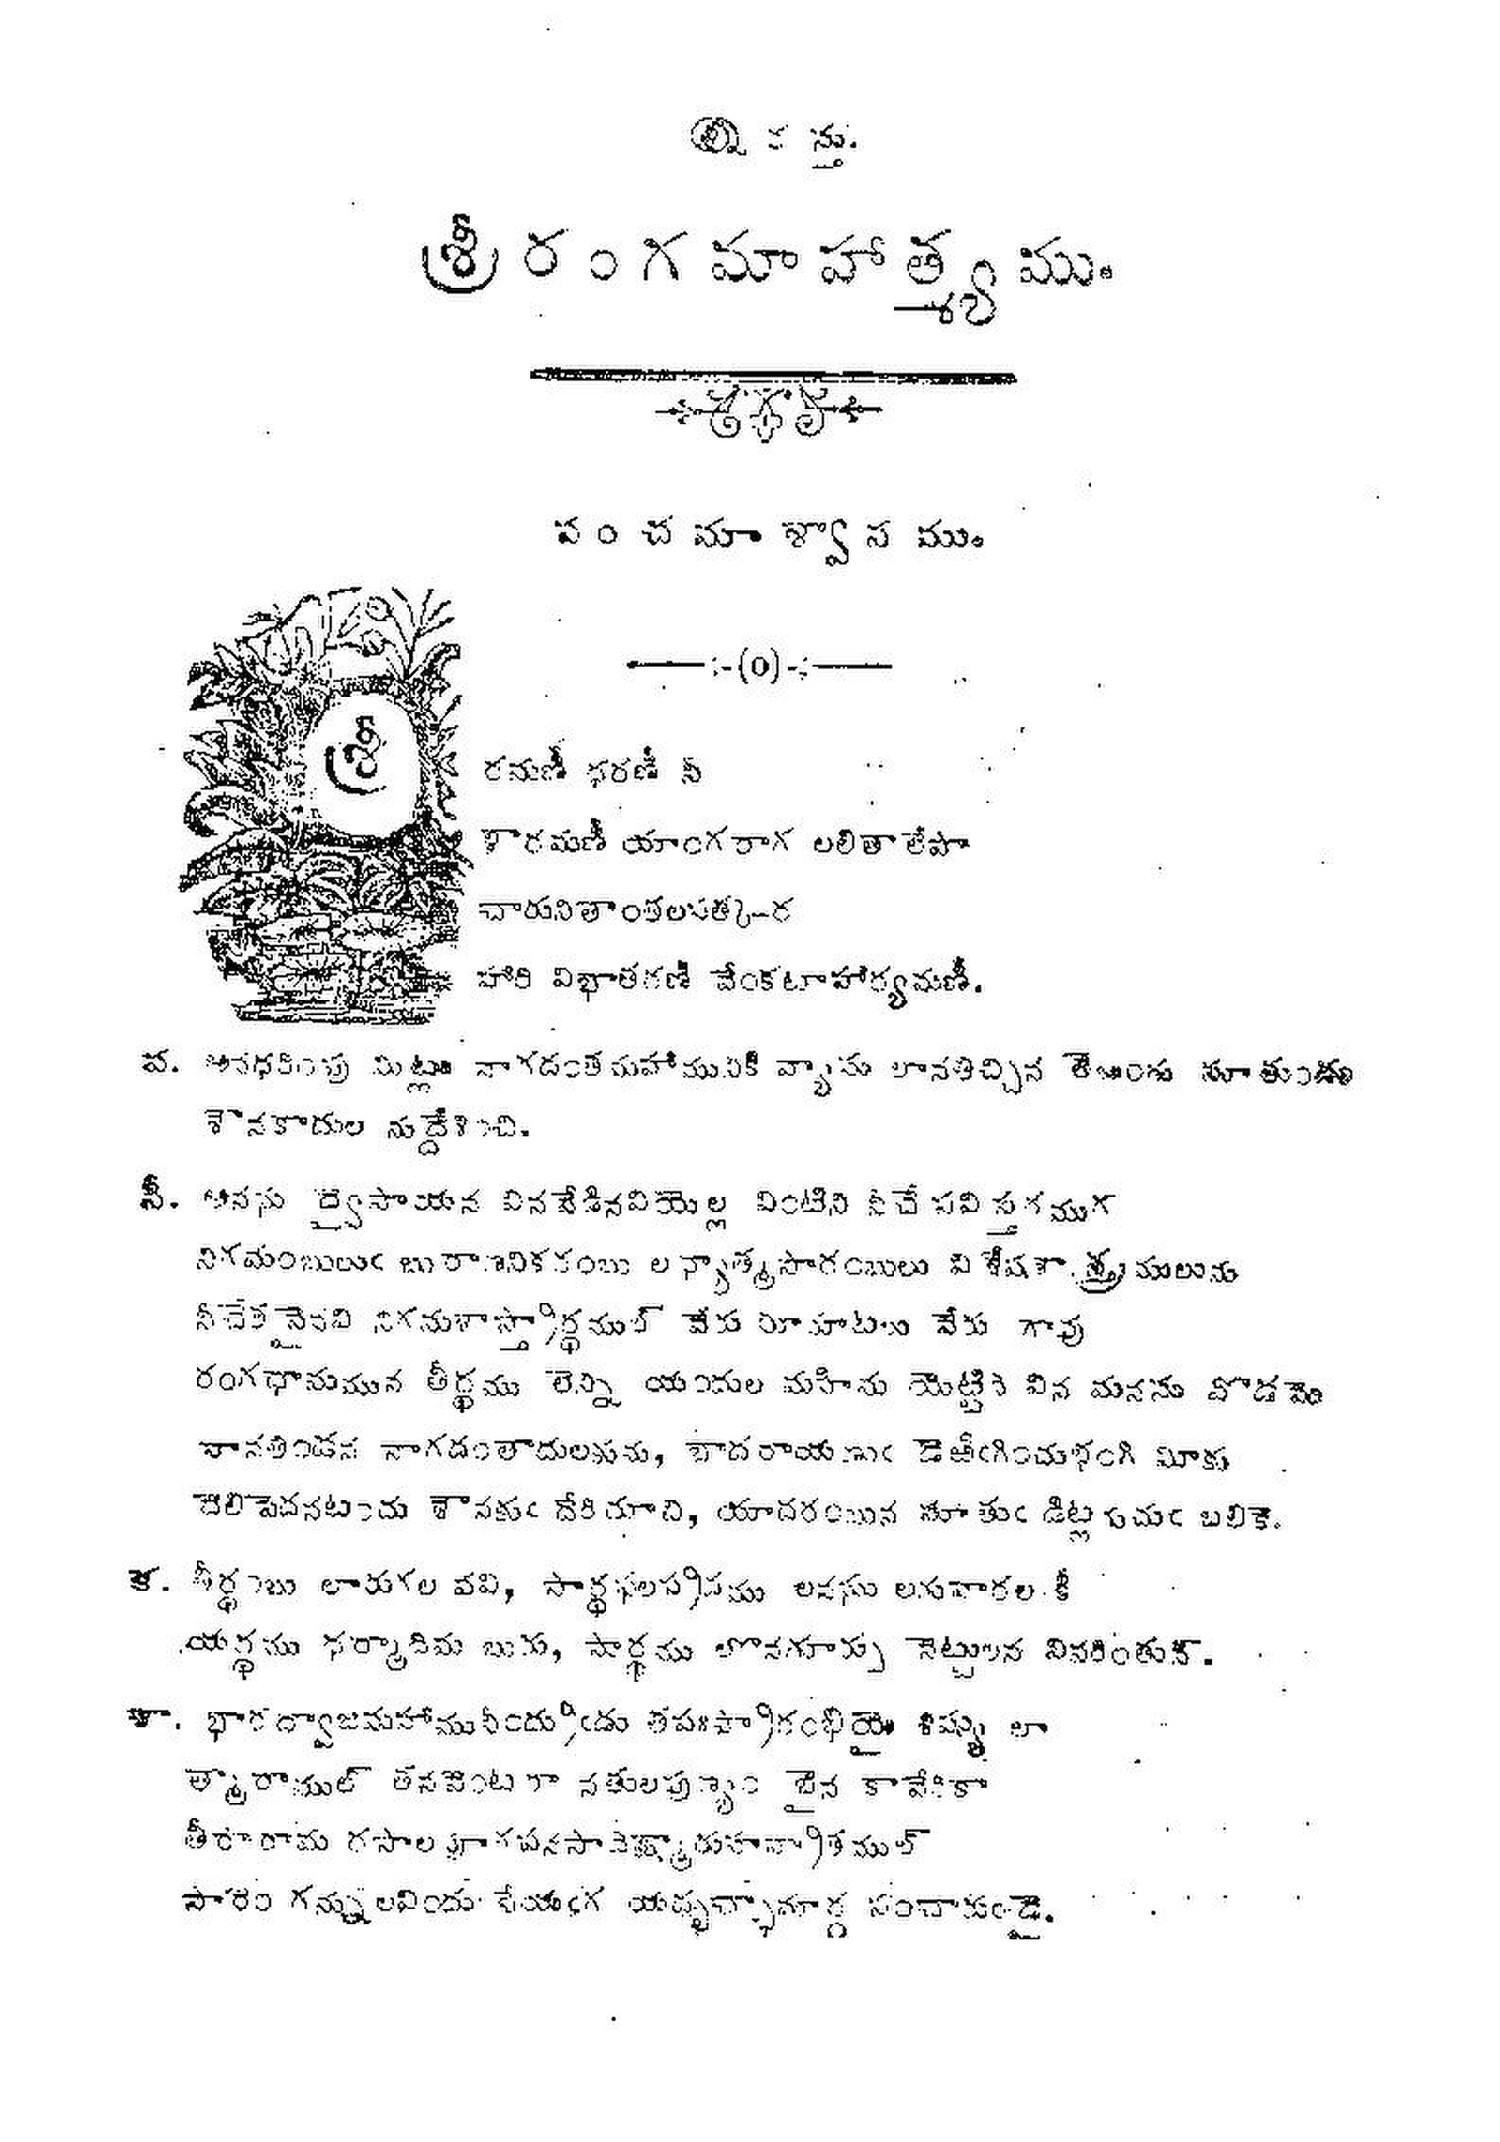శ్రీరమణీ ధరణీ నీ
 ళారమణీయాంగరాగ లలితాలేపా
 చారునితాంతలసత్కర
 హారి విభాతరణి వేంకటాహార్యమణీ.
వ. అవధరింపు మిట్లు నాగదంతమహామునికి వ్యాసు లానతిచ్చిన తెరంగు సూతుండు
 శౌనకాదుల నుద్దేశించి.
సీ. అనఘ ద్వైపాయన వినవేడినవి యెల్ల వింటిని నీచే సవిస్తరముగ
 నిగమంబులుఁ బురాణనికరంబు లధ్యాత్మసారంబులు విశేషశాస్త్రములును
 నీచేతనైనవి నిగమశాస్త్రార్ధముల్ వేరు మీ మాటలు వేరు గావు
 రంగధామమున తీర్థము లెన్ని యందుల మహిమ యెట్టిది విన మనను వొడమె
 నానతిండన నాగదంతాదులకును, బాదరాయణుఁ డెఱిఁగించుభంగి మీకు
 దెలిపెదనటంచు శౌనకుఁ దేరి చూచి, యాదరంబున సూతుఁ డిట్లనుచుఁ బలికె.
క. తీర్థంబు లారుగల వవి, సార్థఫలప్రదము లనఘు లగువారల కీ
 యర్థము ధర్మాదిమ బురు, షార్థము లొనగూర్చు నెట్టులన వివరింతున్.
శా. భారద్వాజమహామునీంద్రుఁడు తపఃప్రారంభియై శిష్యు లా
 త్మారాముల్ తనవెంట రా నతులపుణ్యం బైన కావేరికా
 తీరారామ రసాలపూతపనసాదిక్ష్మారుహవ్రాతముల్
 సారెం గన్నులవిందు సేయఁగ యదృచ్ఛామార్గసంచారుఁడై.